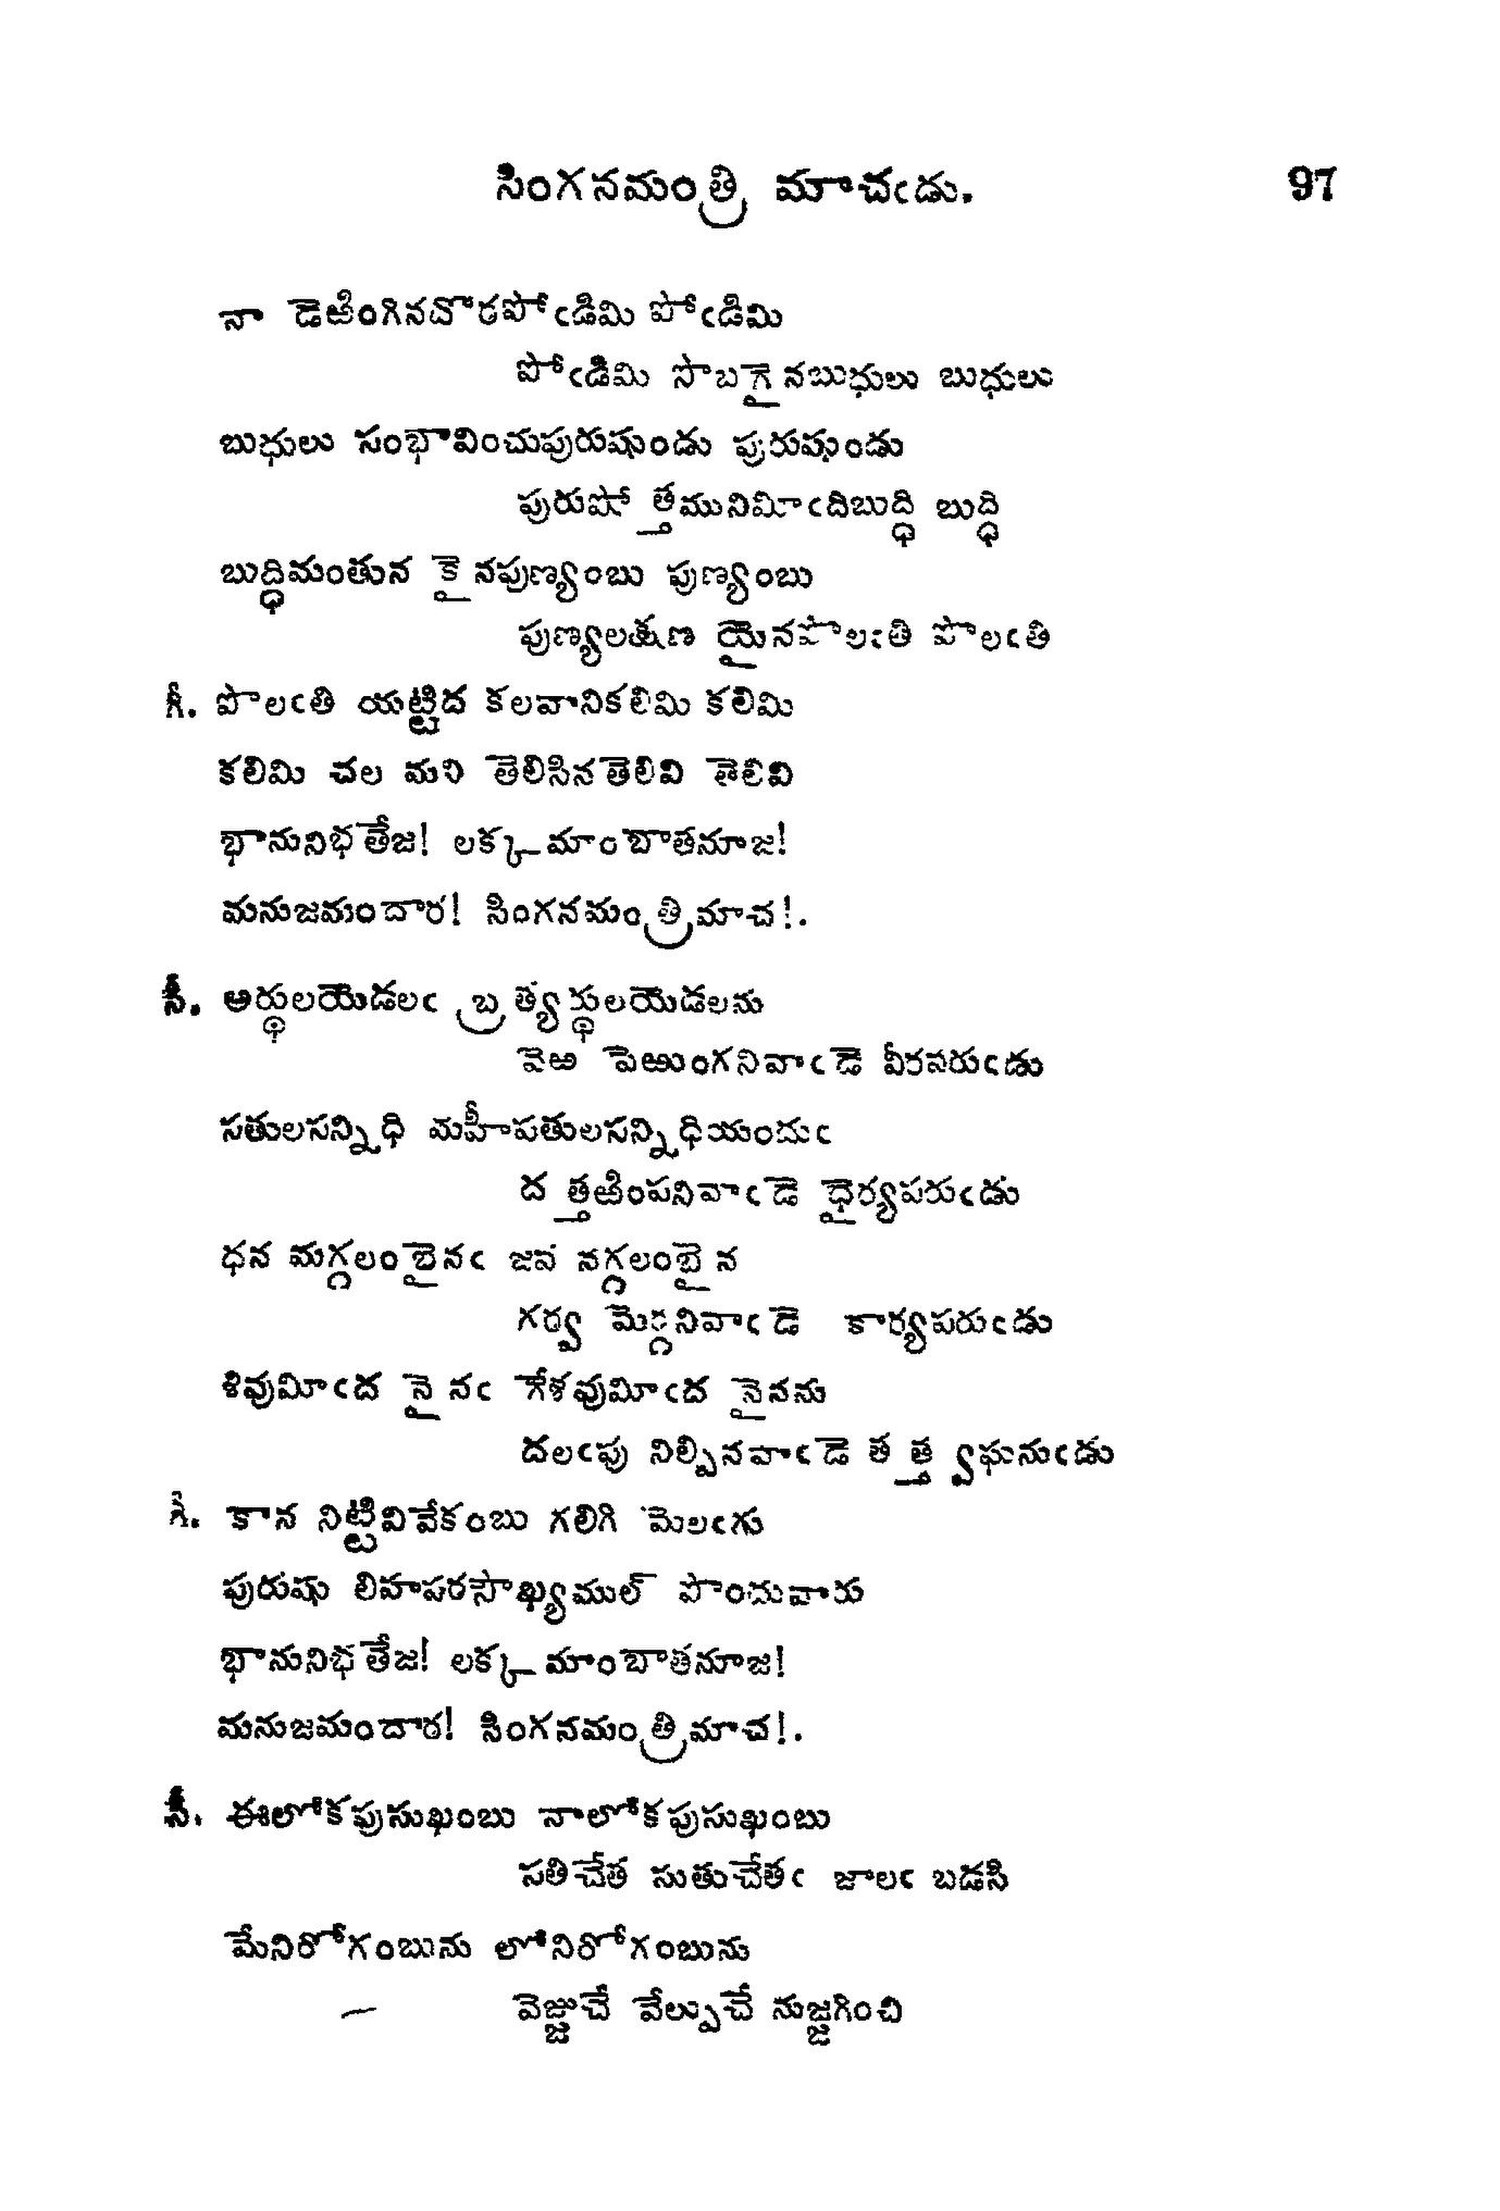నా డెఱింగినదొరపోఁడిమి పోఁడిమి
 పోఁడిమి సొబగైనబుధులు బుధులు
 బుధులు సంభావించుపురుషుండు పురుషుండు
 పురుషోత్తమునిమీఁదిబుద్ధి బుద్ధి
 బుద్ధిమంతున కైనపుణ్యంబు పుణ్యంబు
 పుణ్యలక్షణమైనపొలఁతి పొలఁతి
గీ. పొలఁతి యట్టిద కలవానికలిమి కలిమి
 కలిమి చల మని తెలిసినతెలివి తెలివి
 భానునిభతేజ! లక్కమాంబాతనూజ!
 మనుజమందార! సింగనమంత్రిమాచ!
సీ. అర్థులయెడలఁ బ్రత్యర్థులయెడలను
 వెఱ పెఱుంగనివాఁడె వీరవరుఁడు
 సతులసన్నిధి మహీపతులసన్నిధియందుఁ
 దత్తఱింపనివాఁడె ధైర్యపరుఁడు
 ధన మగ్గలంబైనఁ జన నగ్గలంబైన
 గర్వ మెర్గనివాఁడె కార్యపరుఁడు
 శివుమీఁద నైనఁ గేశవుమీఁద నైనను
 దలఁపు నిల్పినవాఁడె తత్త్వఘనుఁడు
గీ. కాన నిట్టివివేకంబు గలిగి మెలఁగు
 పురుషు లిహపరసౌఖ్యముల్ పొందువారు
 భానునిభతేజ! లక్కమాంబాతనూజ!
 మనుజమందార! సింగనమంత్రిమాచ!
సీ. ఈలోకపుసుఖంబు నాలోకపుసుఖంబు
 సతిచేత సుతుచేతఁ జాలఁ బడసి
 మేనిరోగంబును లోనిరోగంబును
 వెజ్జుచె వేల్పుచే నుజ్జగించి